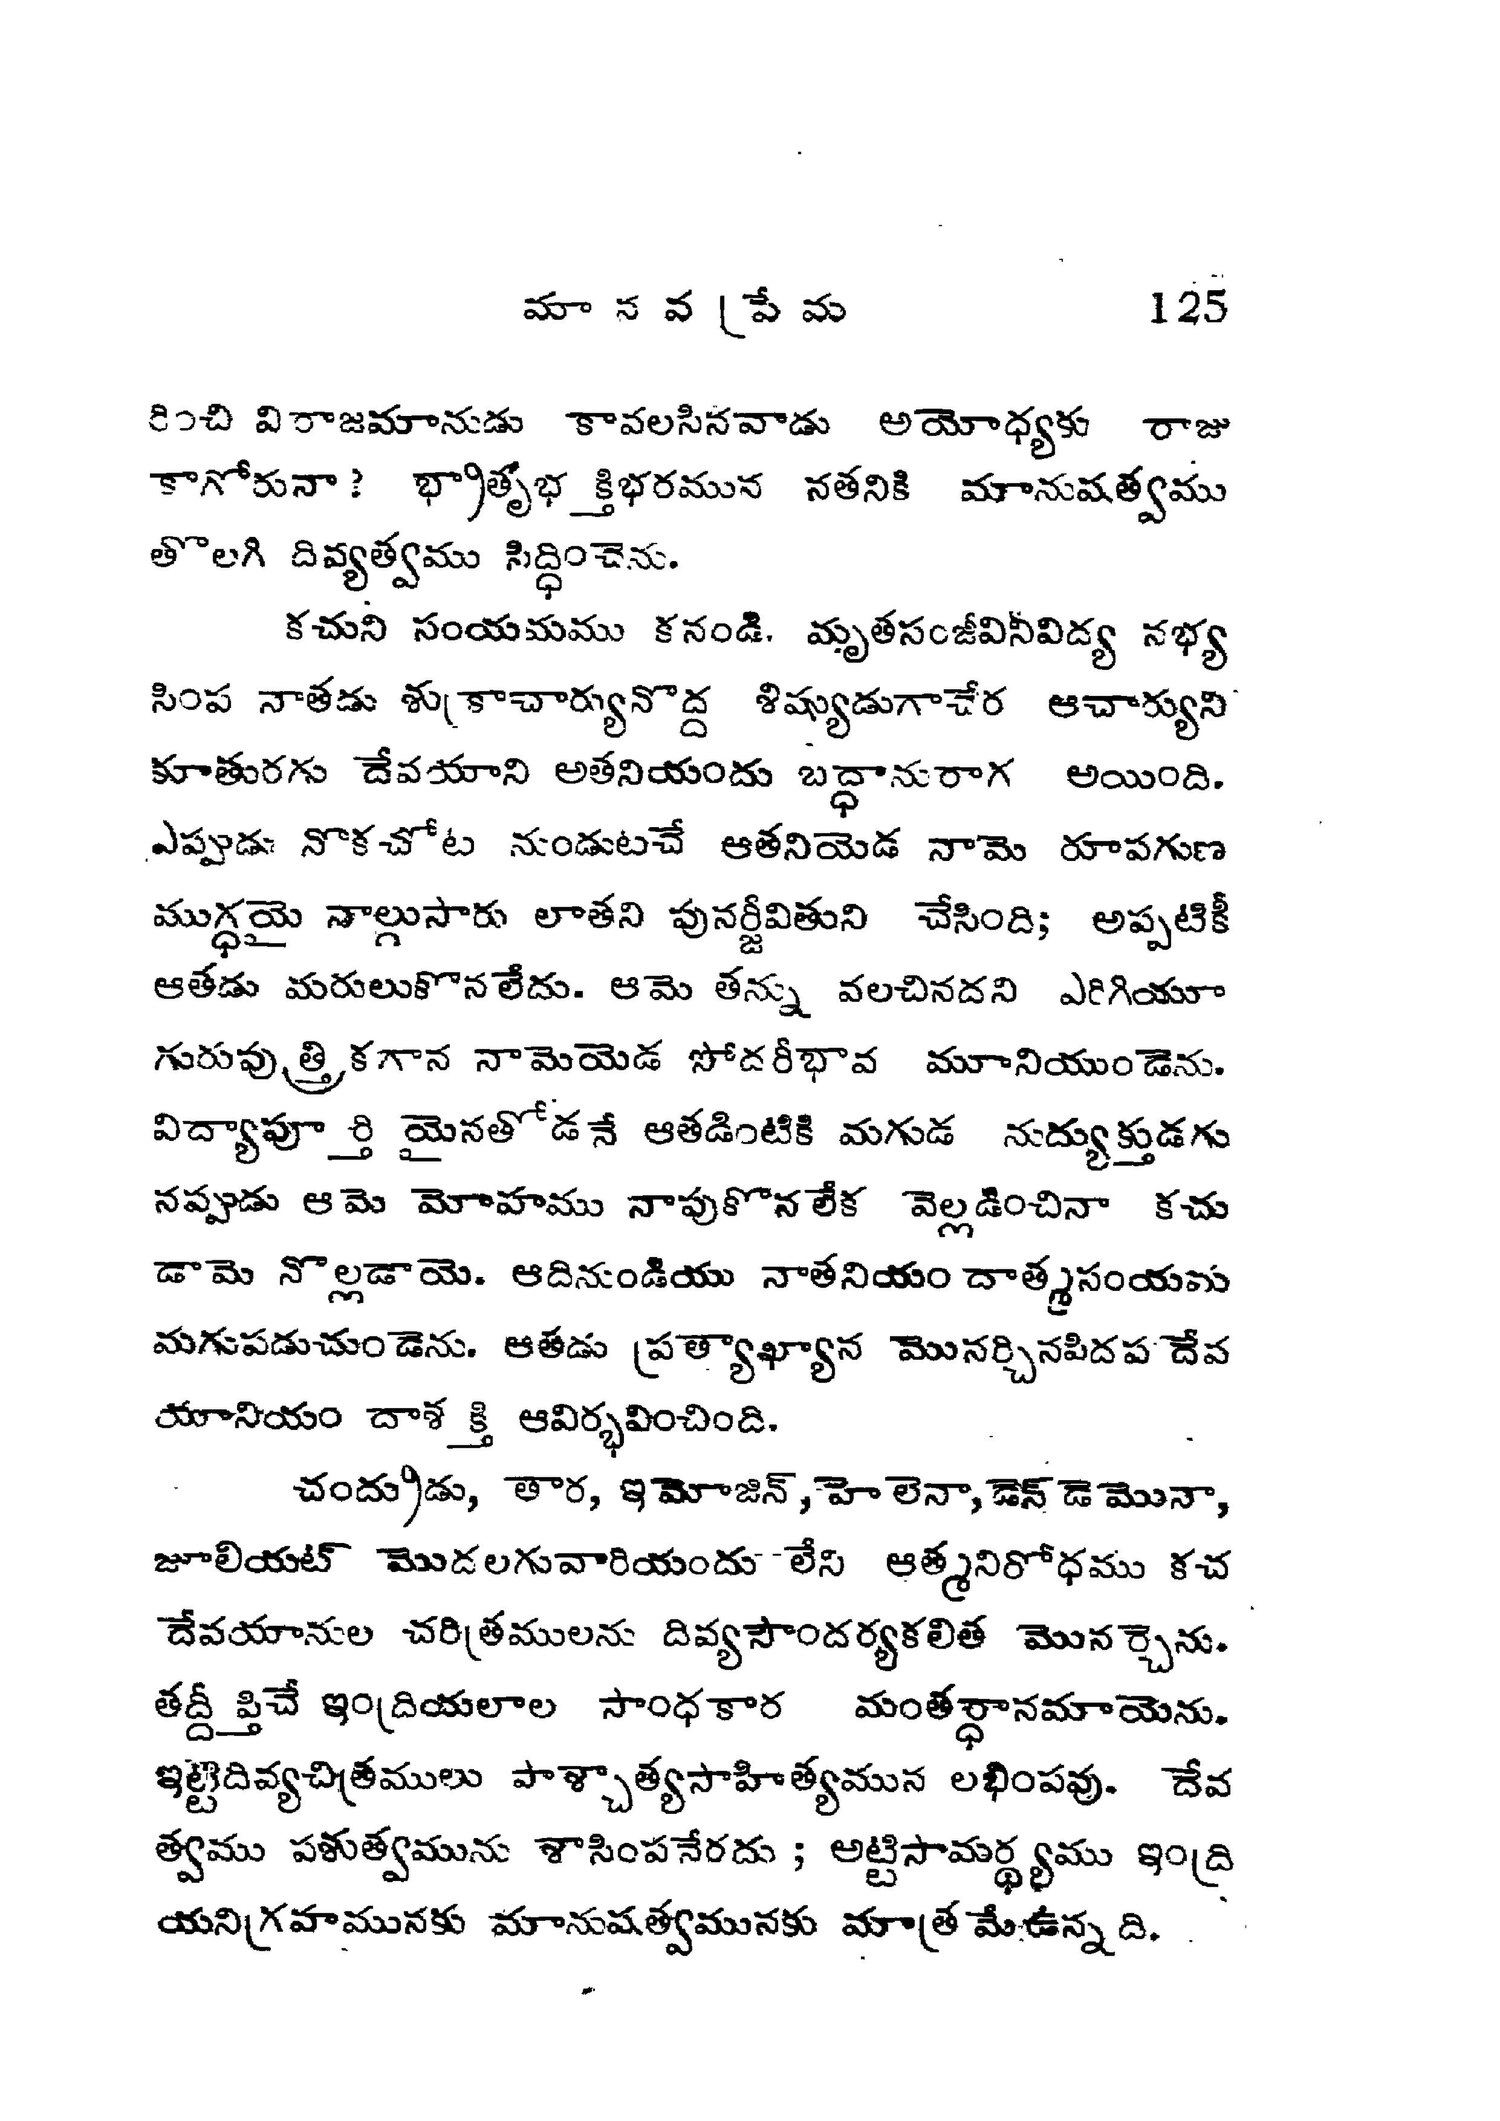రించి విరాజమానుడు కావలసినవాడు అయోధ్యకు రాజు కాగోరునా? భ్రాతృభక్తిభరమున నతనికి మానుషత్వము తొలగి దివ్యత్వము సిద్ధించెను.

కచుని సంయమము కనండి. మృతసంజీవినీవిద్య నభ్యసింప నాతడు శుక్రాచార్యునొద్ద శిష్యుడుగాచేర ఆచార్యుని కూతురగు దేవయాని అతనియందు బద్ధానురాగ అయింది. ఎప్పుడు నొకచోట నుండుటచే ఆతనియెడ నామె రూపగుణ ముగ్ధయై నాల్గుసారు లాతని పునర్జీవితుని చేసింది; అప్పటికీ ఆతడు మరులుకొనలేదు. ఆమె తన్ను వలచినదని ఎరిగియూ గురుపుత్త్రికగాన నామెయెడ సోదరీభావ మూనియుండెను. విద్యాపూర్తి యైనతోడనే ఆతడింటికి మగుడ నుద్యుక్తుడగు నప్పుడు ఆమె మోహము నాపుకొనలేక వెల్లడించినా కచు డామె నొల్లడాయె. ఆదినుండియు నాతనియం దాత్మసంయమ మగుపడుచుండెను. ఆతడు ప్రత్యాఖ్యాన మొనర్చినపిదప దేవయానియం దాశక్తి ఆవిర్భవించింది.

చంద్రుడు, తార, ఇమోజిన్, హెలెనా, డెస్‌డెమొనా, జూలియట్ మొదలగువారియందు లేని ఆత్మనిరోధము కచ దేవయానుల చరిత్రములను దివ్యసౌందర్యకలిత మొనర్చెను. తద్దీప్తిచే ఇంద్రియలాల సాంధకార మంతర్ధానమాయెను. ఇట్టిదివ్యచిత్రములు పాశ్చాత్యసాహిత్యమున లభింపవు దేవత్వము పశుత్వమును శాసింపనేరదు; అట్టిసామర్థ్యము ఇంద్రియనిగ్రహమునకు మానుషత్వమునకు మాత్రమేఉన్నది.